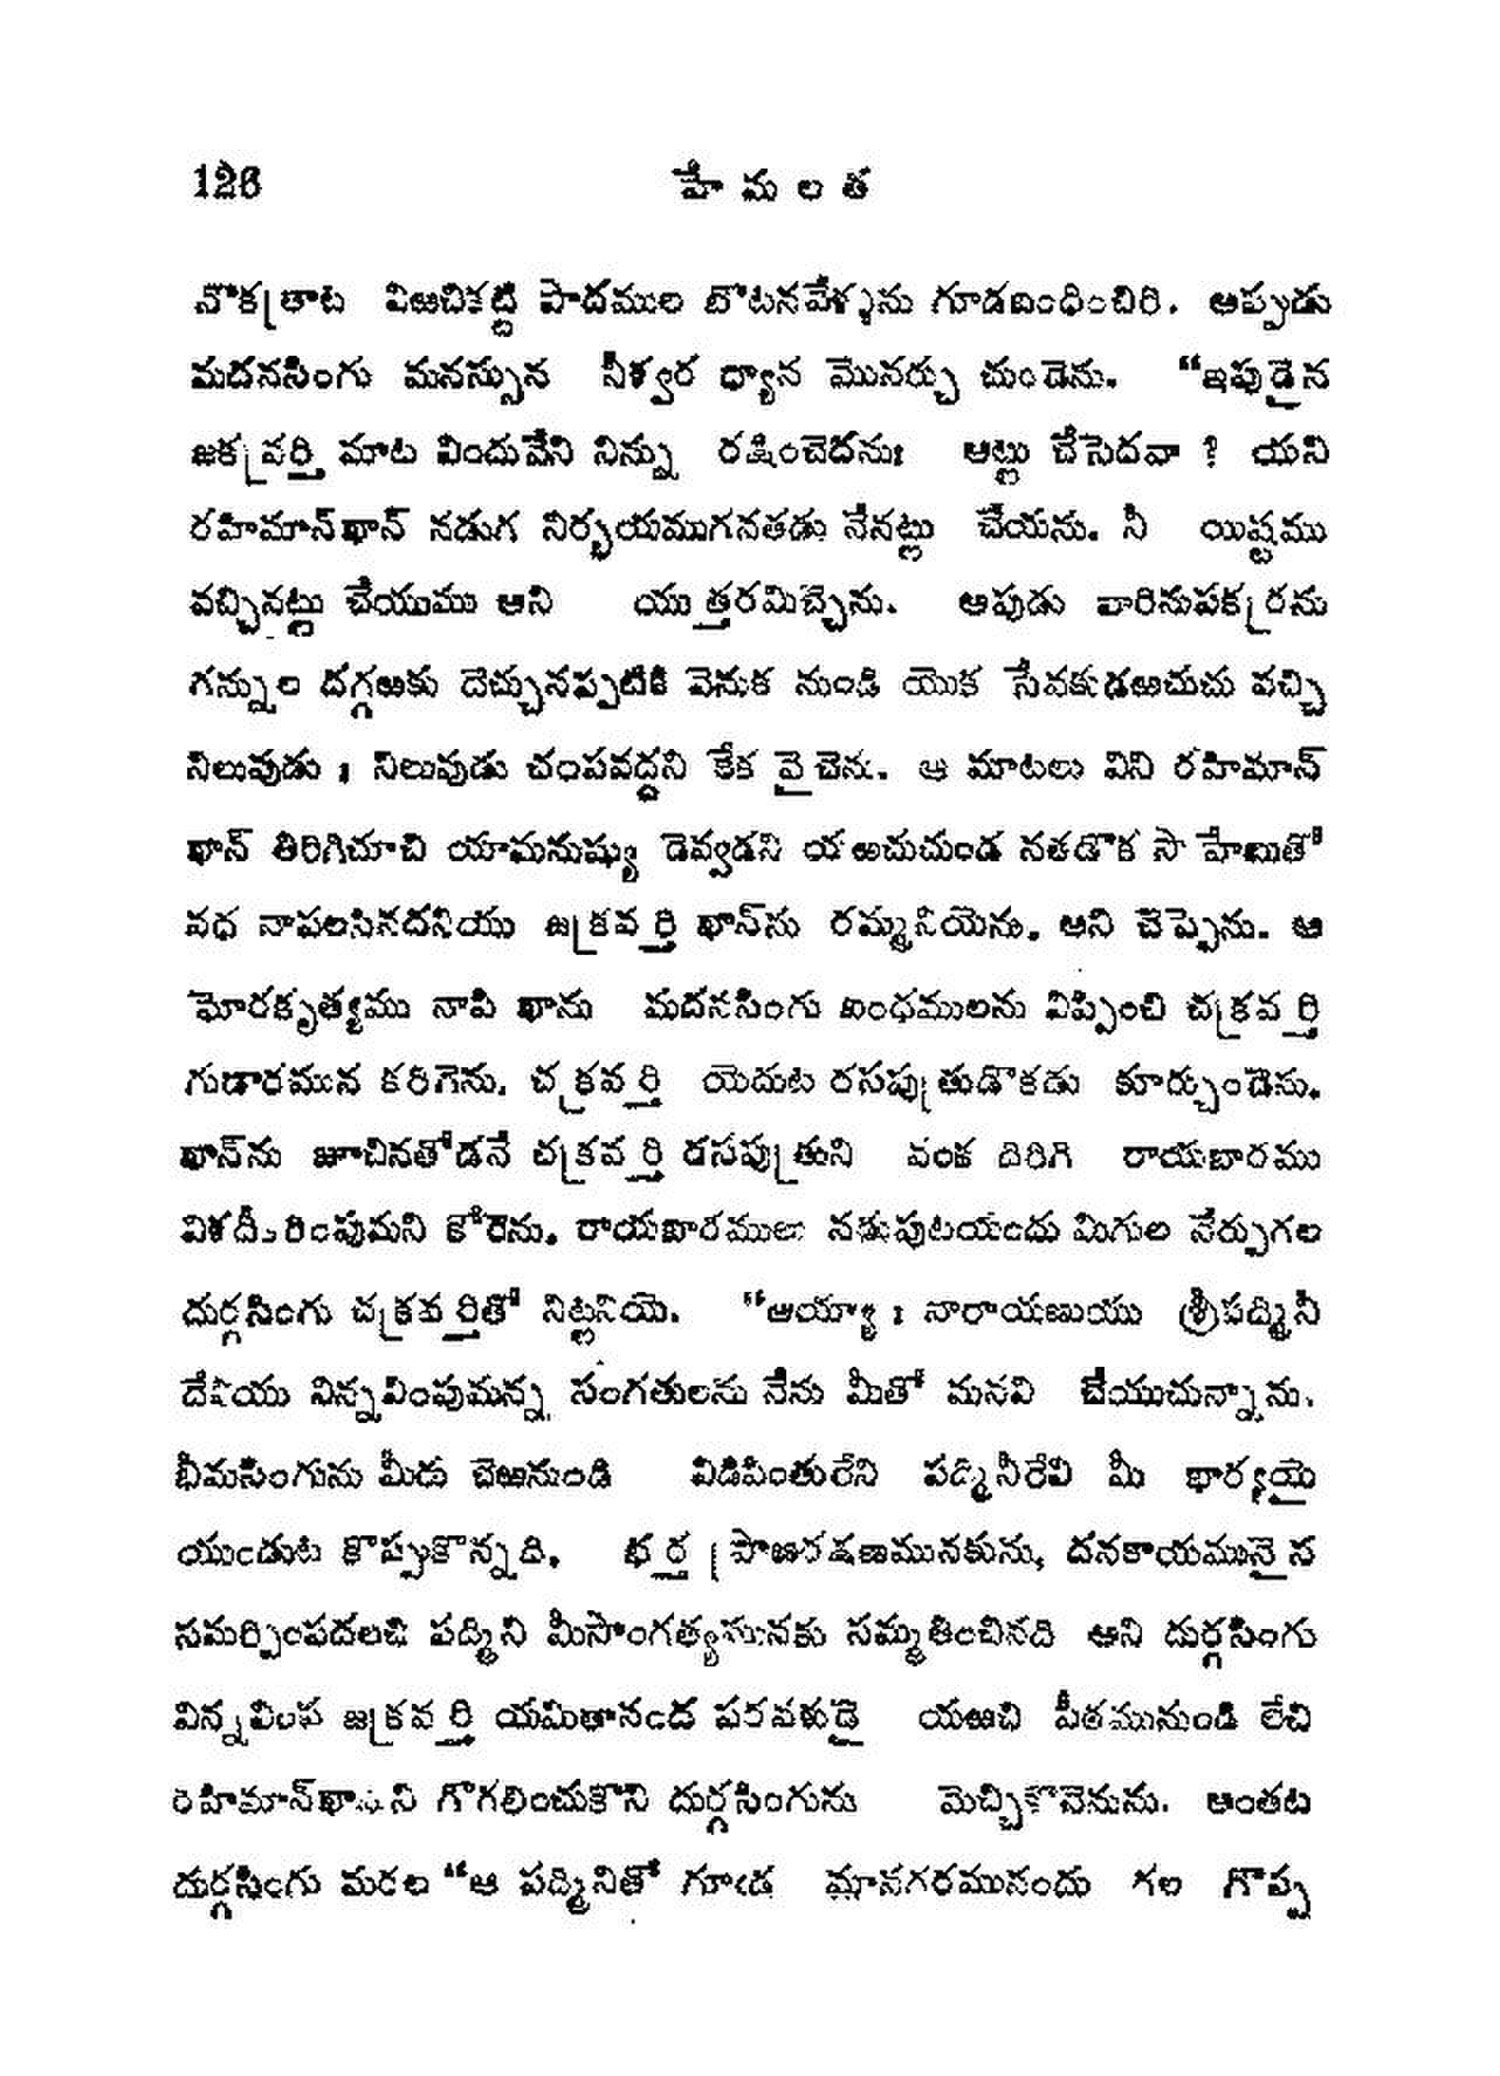నొక త్రాట విఱచికట్టి పాదముల బొటనవేళ్ళను గూడబంధించిరి. అప్పుడు మదనసింగు మనస్సున నీశ్వర ధ్యాన మొనర్చు చుండెను. “ఇపుడైన జక్రవర్తి మాట విందువేని నిన్ను రక్షించెదను, అట్లు చేసెదవా? యని రహిమాన్ ఖాన్ నడుగ నిర్భయముగనతడు నేనట్లు చేయను. నీ యిష్టము వచ్చినట్లు చేయుము అని యుత్తరమిచ్చెను. అపుడు వారినుపకర్రను గన్నుల దగ్గఱకు దెచ్చునప్పటికి వెనుక నుండి యొక సేవకుడఱచుచు వచ్చి నిలువుడు! నిలువుడు చంపవద్దని కేక వైచెను. ఆ మాటలు విని రహిమాన్ ఖాన్ తిరిగిచూచి యామనుష్యు డెవ్వడని యఱచుచుండ నతడొక సాహేబుతో వధ నాపలసినదనియు జక్రవర్తి ఖాన్ ను రమ్మనియెను. అని చెప్పెను. ఆ ఘోరకృత్యము నాపి ఖాను మదనసింగు బంధములను విప్పించి చక్రవర్తి గుడారమున కరిగెను. చక్రవర్తి యెదుట రసపుత్రుడొకడు కూర్చుండెను. ఖాన్ ను జూచినతోడనే చక్రవర్తి రసపుత్రుని వంక దిరిగి రాయబారము విశదీకరింపుమని కోరెను. రాయబారములు నడుపుటయందు మిగుల నేర్పుగల దుర్గసింగు చక్రవర్తితో నిట్లనియె. “అయ్యా! నారాయణుయు శ్రీపద్మనీ దేవియు విన్నవింపుమన్న సంగతులను నేను మీతో మనవి చేయుచున్నాను. భీమసింగును మీరు చెఱనుండి విడిపింతురేని పద్మినీదేవి మీ భార్యయై యుండుట కొప్పుకొన్నది. భర్త ప్రాణరక్షణమునకును, దనకాయమునైన సమర్పింపదలచి పద్మిని మీ సాంగత్యమునకు సమ్మతించినది అని దుర్గసింగు విన్నవింప జక్రవర్తి యమితానంద పరవశుడై యఱచి పీఠమునుండి లేచి రహిమాన్ ఖాన్ ని గౌగలించుకొని దుర్గసింగును మెచ్చికొనెనును. అంతట దుర్గసింగు మరల “ఆ పద్మినితో గూఁడ మానగరమునందు గల గొప్ప